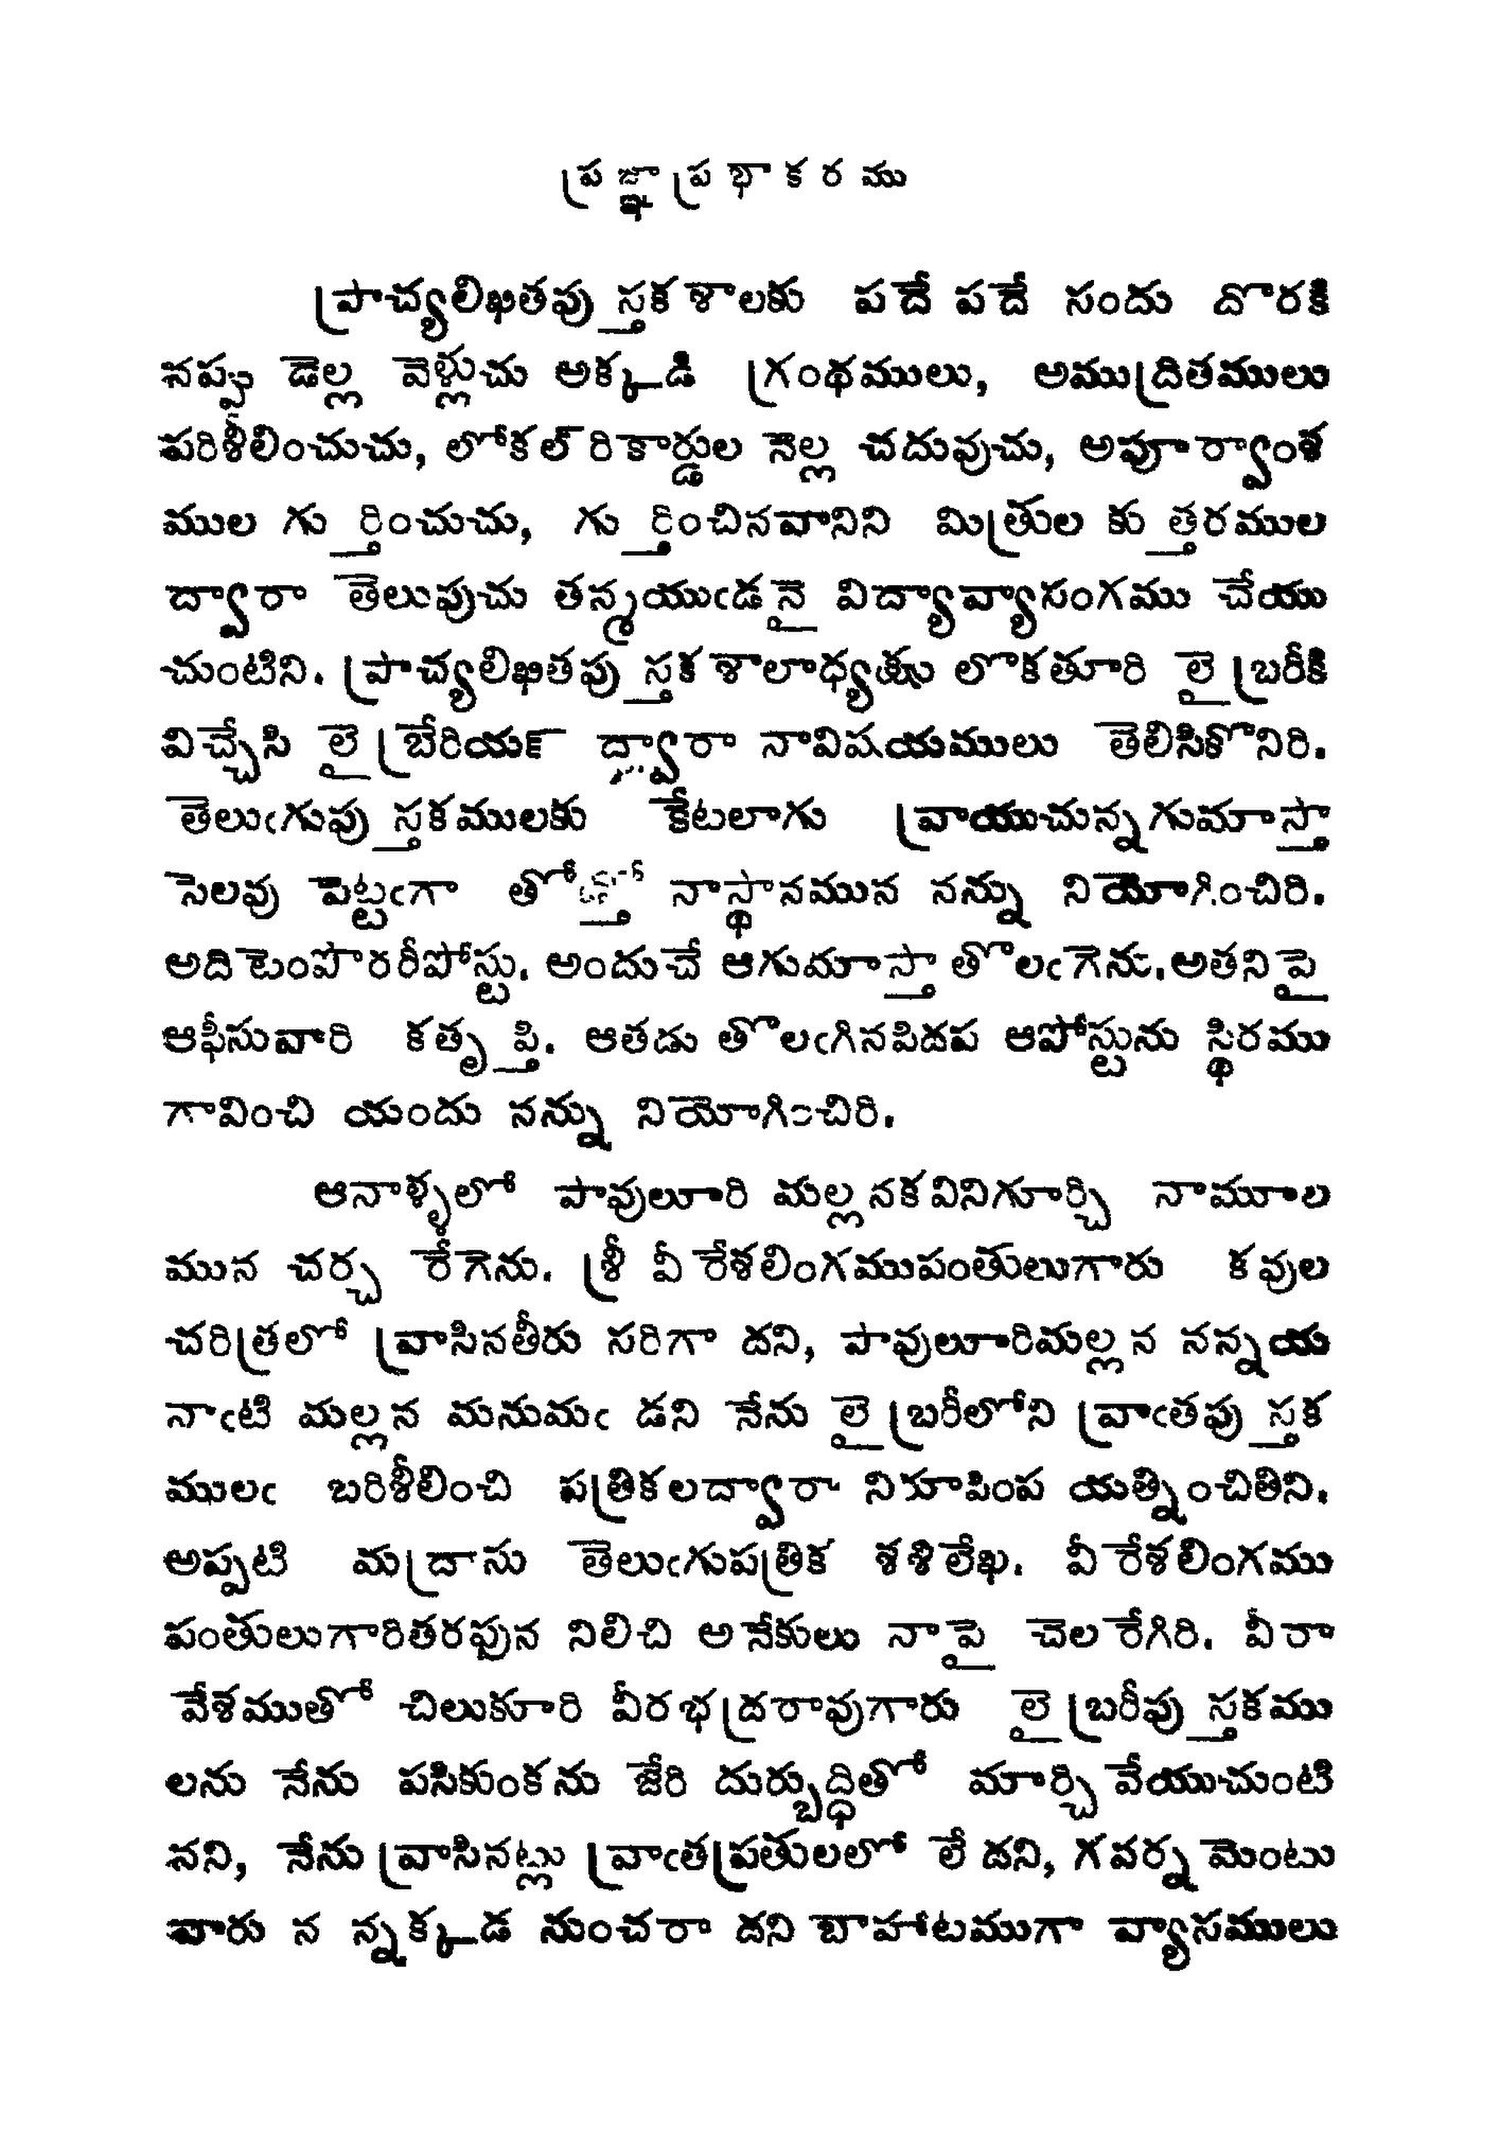ప్రాచ్యలిఖిత పుస్తశాలకు పదే పదే సందు దొరకినప్పు డెల్ల వెళ్ళుచు అక్కడి గ్రంధములు, అముద్రితములు పరిశీలించుచు, లోకల్ రికార్డు నెల్ల చదువుచు, అపూర్వాంశముల గుర్తించుచు, గుర్తించిన వానిని మిత్రుల కుత్తరముల ద్వారా తెలుపుచు తన్మయుఁ డనై విద్యావ్యా సంగము చేయుచుంటిని. ప్రాచ్యలిఖిత పుస్తక శాలాధ్యక్షు లొకతూరి లైబ్రేరియ౯ ద్వారా నా విషయములు తెలిసికొనిరి. తెలుఁ గుపుస్తకములకు కేటలాగు వ్రాయుచున్న గుమస్తా శెలవు పెట్టగాతోడ్తో నా స్తానమున నన్నున్నియోగించిరి. అది టెంపరరీ పోస్టు. అందుచే ఆ గుమాస్తా తొలఁ గెను. అతని పై ఆఫీసు వారి కతృప్తి. ఆతడు తొలఁ గినపిదప ఆ పోస్టును స్థిరముగావించి యందు నన్ను నియోగించిరి.

ఆనాళ్ళలో పావులూరు మల్లనకవిని గూర్చి నా మూలమున చర్చ రేగెను. శ్రీ వీరేశలింగముపంతులుగారు కవుల చరిత్రలో వ్రాసిన తీరు సరిగాదని, పావులూరి మల్లన నన్నయ నాఁటి మల్లన మనుమఁ డని నేను లైబ్రరీలోని వ్రాఁ తపుస్తకములఁ బరిశీలించి పత్రికల ద్వారా నిరూపింప యత్నించితిని. అప్పటి మద్రాసు తెలుఁ గు పత్రిక శశి లేఖ వీరేశలింగముపంతులుగారి తరపున నిలిచి అనేకులు నా పై చెలరేగిరి. వీరావేశముతో చిలుకూరి వీరభద్ర రావుగారు లైబ్రరీ పుస్తకములను నేను పసికుంకను జేరి దుర్బుద్ధితో మార్చివేయుచుంటినని, నేను వ్రాసినట్లు వ్రాఁ త ప్రత్రులలో లేదని, గవర్న మెంటువారు నన్నక్కడ నుంచరా దని బాహాటముగా వ్యాసములు